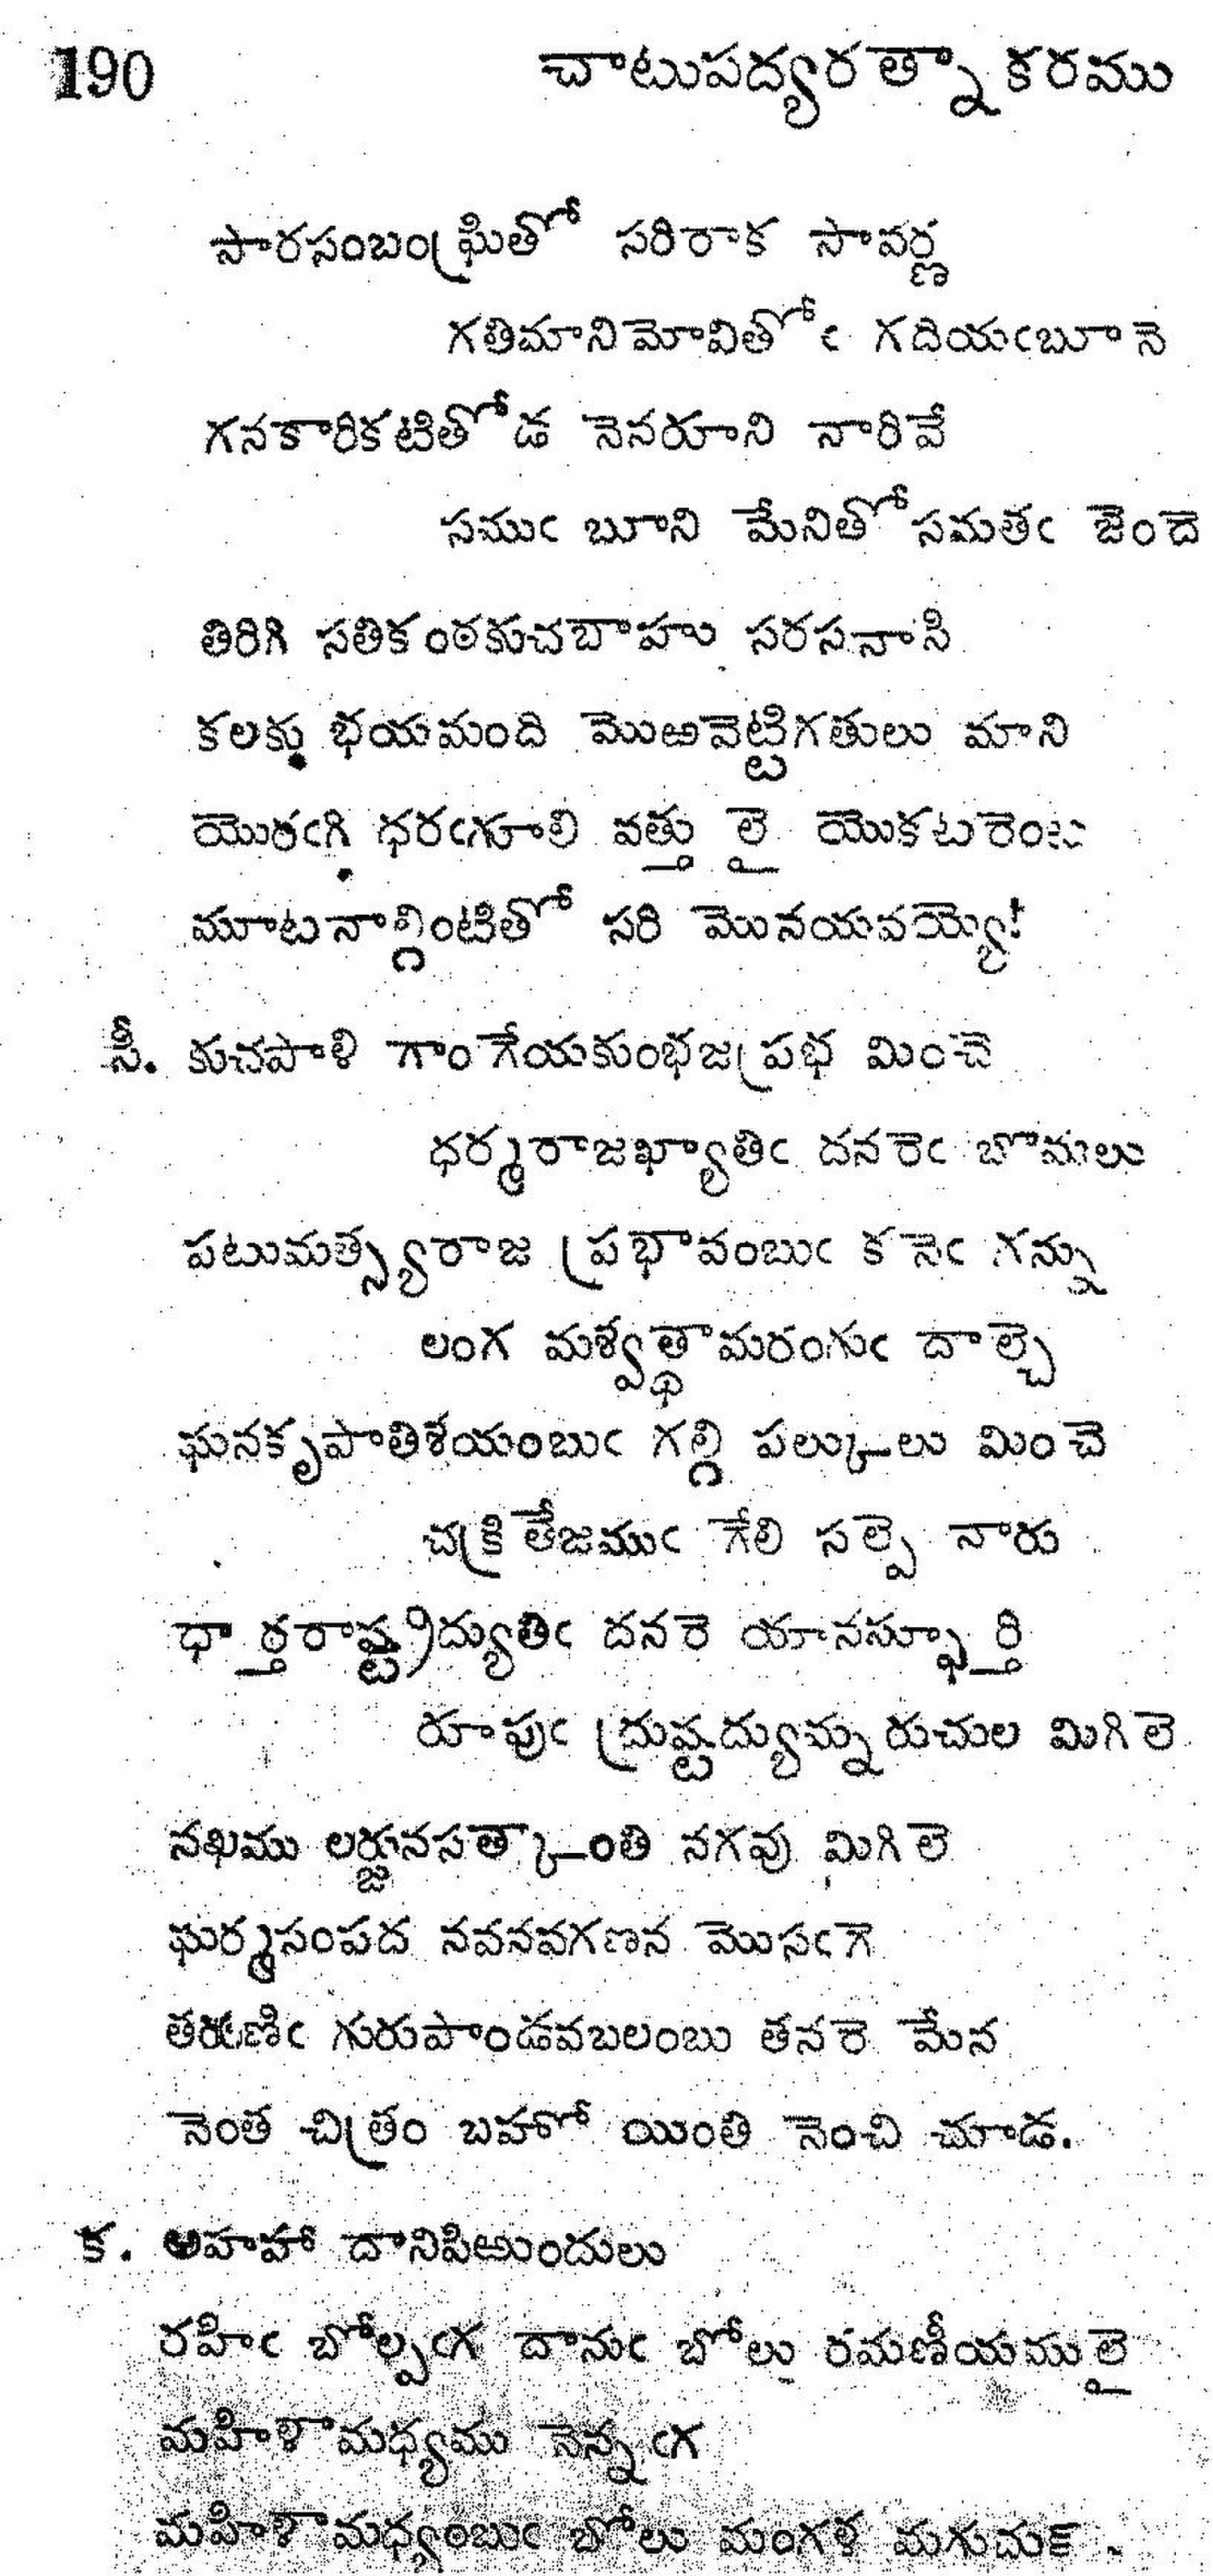సారసం బంఘ్రితో సరిరాక సావర్ణ
 గతిమాని మోవితోఁ గదియఁబూనె
 గనకారికటితోడ నెనరూని నారివే
 సముఁ బూని మేనితో సమతఁ జెందె
 తిరిగి సతికంఠకుచబాహు సరసనాసి
 కలకు భయమంది మొఱవెట్టిగతులు మాని
 యొరఁగి ధరఁగూలి వత్తు లై యొకటరెంట
 మూటనాల్గింటితో సరి మొనయవయ్యె!

సీ. కుచపాళి గాంగేయకుంభజప్రభ మించె
 ధర్మరాజఖ్యాతిఁ దనరెఁ బొమలు
 పటుమత్స్యరాజప్రభావంబుఁ కనెఁ గన్ను
 లంగ మశ్వత్థామరంగుఁ దాల్చె
 ఘనకృపాతిశయంబుఁ గల్గి పల్కులు మించె
 చక్రితేజముఁ గేలి సల్పె నారు
 ధార్తరాష్ట్రద్యుతిఁ దనరె యానస్ఫూర్తి
 రూపుఁ ద్రుష్టద్యుమ్నరుచుల మిగిలె
 నఖము లర్జునసత్కాంతి నగవు మిగిలె
 ఘర్మసంపద నవనవగణన మొసఁగె
 తరుణిఁ గురుపాండవబలంబు తనరె మేన
 నెంత చిత్రం బహో యింతి నెంచి చూడ.

క. అహహా దానిపిఱుందులు
 రహిఁ బోల్పఁగ దానుఁ బోలు రమణీయములై
 మహిళామధ్యము నెన్నఁగ
 మహిళామధ్యంబుఁ బోలు మంగళ మగుచున్.